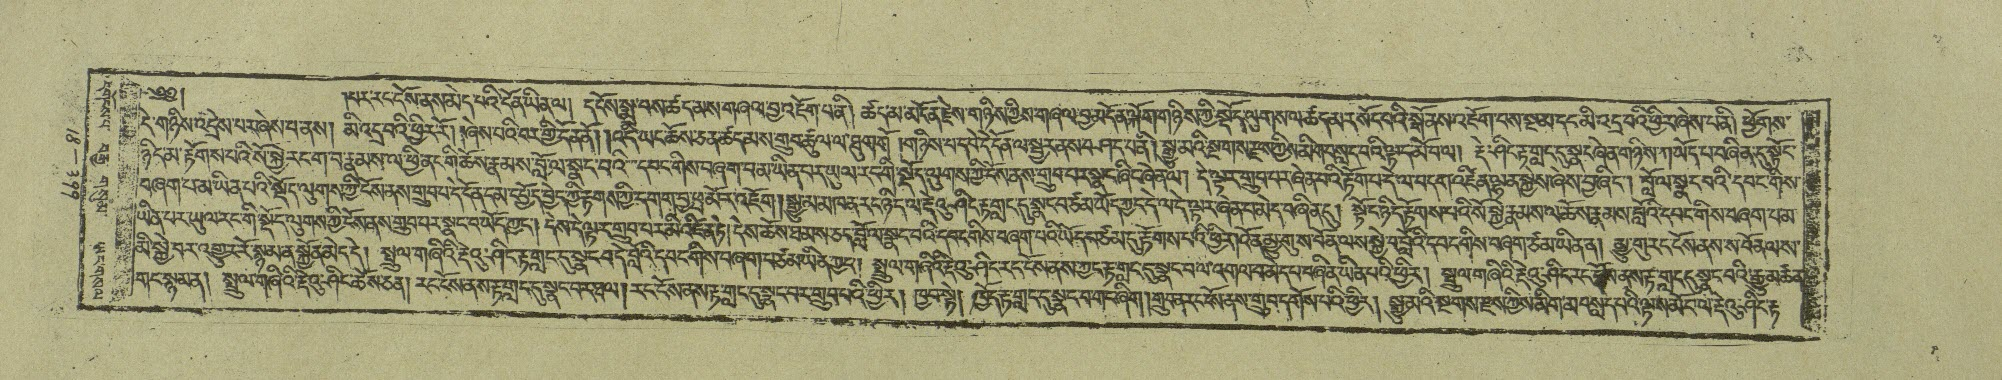༄༅། །པར་རང་ངོས་ནས་མེད་པའི་དོན་ཡིན་ལ། དངོས་སྨྲ་བས་ཚད་མས་གཞལ་བྱ་འཇོག་པ་ནི། ཚད་མ་མངོན་རྗེས་གཉིས་ཀྱིས་གཞལ་བྱ་མངོན་ལྐོག་གཉིས་ཀྱི་སྡོད་ལུགས་ལ་ཚད་མར་སོང་བའི་སྒོ་ནས་འཇོག་པས་སྔ་མ་དང་མི་འདྲ་བའི་ཕྱིར་ཞེས་པ་ནི། ཕྱོགས་
དེ་གཉིས་འདྲེས་པར་ཞེས་པ་ནས། མི་འདྲ་བའི་ཕྱིར་རོ། །ཞེས་པའི་བར་གྱི་དོན་ནོ། །འདི་ཡང་ཆོས་ཅན་ཚད་མས་གྲུབ་ཚུལ་ལ་ཐུག་གོ །གཉིས་པ་དཔེ་དེ་དོན་ལ་སྦྱར་ནས་བཤད་པ་ནི། སྒྱུ་མའི་སྔགས་རྫས་ཀྱིས་མིག་བསླད་པའི་ལྟད་མོ་བ་ལ། རྡེ་ཤིང་རྟ་གླང་དུ་སྣང་ཞེན་གཉིས་ཀ་ཡོད་པ་བཞིན་དུ་སྟོང་
ཉིད་མ་རྟོགས་པའི་སོ་སྐྱེ་རང་ག་བ་རྣམས་ལ་ཕྱི་ནང་གི་ཆོས་རྣམས་བློ་ལ་སྣང་བའི་དབང་གིས་བཞག་པ་མ་ཡི་པར་ཡུལ་རང་གི་སྡོད་ལུགས་ཀྱི་ངོས་ནས་གྲུབ་པར་སྣང་ཞིང་ཞེན་ལ། དེ་ལྟར་གྲུབ་པར་ཞེན་པའི་རྟོག་པ་དེ་ལ་བདག་འཛིན་ལྷན་སྐྱེས་ཞེས་བྱ་ཞིང་། བློ་ལ་སྣང་བའི་དབང་གིས་
བཞག་པ་མ་ཡིན་པའི་སྡོད་ལུགས་ཀྱི་ངོས་ནས་གྲུབ་པ་དེ་དོན་དམ་དཔྱོད་བྱེད་ཀྱི་རྟགས་ཀྱི་དགག་བྱ་ཕྲ་མོར་འཇོག །སྒྱུ་མ་མཁན་རང་ཉིད་ལ་རྡེའུ་ཤིང་རྟ་གླང་དུ་སྣང་བ་ཙམ་ཡོད་ཀྱང་དེ་ལ་དེ་ལྟར་ཞེན་པ་མེད་བཞིན་དུ། སྟོང་ཉིད་རྟོགས་པའི་སོ་སྐྱེ་རྣམས་ལ་ཆོས་རྣམས་བློའི་དབང་གིས་བཞག་པ་མ་
ཡིན་པར་ཡུལ་རང་གི་སྡོད་ལུགས་ཀྱི་ངོས་ནས་གྲུབ་པར་སྣང་བ་ཡོད་ཀྱང་། དེས་དེ་ལྟར་གྲུབ་པར་མི་འཛིན་ཏེ། དེས་ཆོས་ཐམས་ཅད་བློ་ལ་སྣང་བའི་དབང་གིས་བཞག་པའི་ཡོད་པ་ཙམ་དུ་རྟོགས་པའི་ཕྱིར། འོ་ན་མྱུ་གུ་ས་བོན་ལས་སྐྱེ་བ་བློའི་དབང་གིས་བཞག་ཙམ་ཡིན་ན། མྱུ་གུ་རང་ངོས་ནས་ས་བོན་ལས་
མི་སྐྱེ་བར་འགྱུར་རོ་སྙམ་ན་སྐྱོན་མེད་དེ། སྤྲུལ་གཞིའི་རྡེའུ་ཤིང་རྟ་གླང་དུ་སྣང་བ་དེ་བློའི་དབང་གིས་བཞག་པ་ཙམ་ཡིན་ཀྱང་། སྤྲུལ་གཞིའི་རྡེའུ་ཤིང་རང་ངོས་ནས་ཀྱང་རྟ་གླང་དུ་སྣང་བ་ལ་འགལ་བ་མེད་པ་བཞིན་ཡིན་པའི་ཕྱིར། སྤྲུལ་གཞིའི་རྡེའུ་ཤིང་རང་ངོས་ནས་རྟ་གླང་དུ་སྣང་བའི་རྒྱུ་མཚན་
གང་སྙམ་ན། སྤྲུལ་གཞིའི་རྡེའུ་ཤིང་ཆོས་ཅན། རང་ངོས་ནས་རྟ་གླང་དུ་སྣང་བར་ཐལ། རང་ངོས་ནས་རྟ་གླང་དུ་སྣང་བར་གྲུབ་པའི་ཕྱིར། ཁྱབ་སྟེ། ཁྱོད་རྟ་གླང་དུ་སྣང་བ་གང་ཞིག །གྲུབ་ན་རང་ངོས་ནས་གྲུབ་དགོས་པའི་ཕྱིར། སྒྱུ་མའི་སྔགས་རྫས་ཀྱིས་མིག་མ་བསླད་པའི་ལྟས་མོ་བ་ལ་རྡེའུ་ཤིང་རྟ་